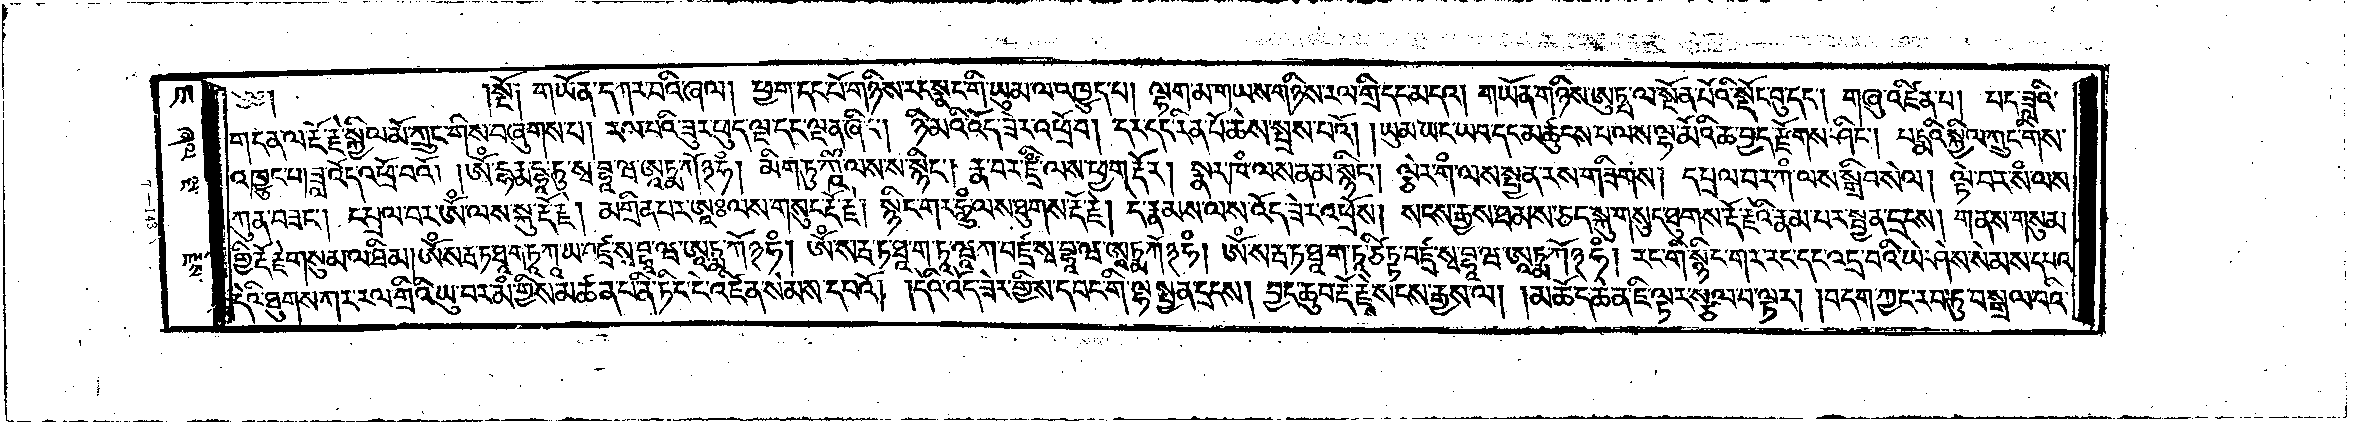༄༅། །སྔོ༑ གཡོན་དཀར་བའི་ཞལ། ཕྱག་དང་པོ་གཉིས་རང་སྣང་གི་ཡུམ་ལེ་འཁྱུད་པ། ལྷག་མ་གཡས་གཉིས་རལ་གྲི་དང་མདའ། གཡོན་གཉིས་ཨུཔྟ་ལ་སྔོན་པོའི་སྡོང་བུ་དང་། གཞུ་འཛིན་པ། བད་ཟླའི་
གདན་ལ་རྡོ་རྗེ་སྐྱིལ་མོ་ཀྲུང་གིས་བཞུགས་པ། རལ་བའི་ཟུར་ཕུད་ལྔ་དང་ལྡན་ཞིང་། ཉི་མའི་འོད་ཟེར་འཕྲོ་བ། དར་དང་རིན་པོ་ཆེས་སྤྲས་པའོ། །ཡུམ་ཡང་ཡབ་དང་མཚུངས་པ་ལས་ལྷ་མོའི་ཆ་བྱད་རྫོགས་ཤིང་། པདམའི་སྐྱིལ་ཀྲུང་གིས་
འཁྱུད་པ། ཟླ་འོད་འཕྲོ་བའོ། །ཨོཾ་དྷརྨ་དྷཱ་ཏུ་སྭ་བྷཱ་ཝ་ཨཱཏྨ་ཀོཉཧཾ། མིག་ཏུ་ཀྵིཾ་ལས་ས་སྙིང་། རྣ་བར་ཛྲིཾ་ལས་ཕྱག་རྡོར། སྣར་ཁཾ་ལས་ནམ་སྙིང་། ལྕེར་གཾ་ལས་སྤྱན་རས་གཟིགས། དཔྲལ་བར་ཀཾ་ལས་སྒྲིབ་སེལ། ལྟེ་བར་སཾ་ལས་
ཀུན་བཟང་། དཔྲལ་བར་ཨོཾ་ལས་སྐུ་རྡོ་རྗེ། མགྲིན་པར་ཨཱཿ ལས་གསུང་རྡོ་རྗེ། སྙིང་གར་ཧཱུཾ་ལས་ཐུགས་རྡོ་རྗེ། དེ་རྣམས་ལས་འོད་ཟེར་འཕྲོས། སངས་རྒྱས་ཐམས་ཅད་སྐུ་གསུང་ཐུགས་རྡོ་རྗེའི་རྣམ་པར་སྤྱན་དྲངས། གནས་གསུམ་
གྱི་རྡོ་རྗེ་གསུམ་ལ་ཐིམ། ཨོཾ་སརྦ་ཏ་ཐཱ་གཏཱ་ཀཱ་ཡ་བཛྲ་སྭ་བྷཱ་ཝ་ཨཱཏྨ་ཀོ་ཉཧཾ། ཨོཾ་སརྦ་ཏ་ཐཱ་ག་ཏཱ་ཝཱ་ཀ་བཛྲ་སྭ་བྷཱ་ཝ་ཨཱཏྨ་ཀོཉཧཾ། ཨོཾ་སརྦ་ཏ་ཐཱ་ག་ཏཱ་ཙིཏྟཱ་ཙིཏྟ་བཛྲ་སྭ་བྷཱ་ཝ་ཨཱཏྨ་ཀོཉཧཾ། རང་གི་སྙིང་གར་རང་དང་འདྲ་བའི་ཡེ་ཤེས་སེམས་དཔའ།
དེའི་ཐུགས་ཀར་རལ་གྲིའི་ཡུ་བར་མཾ་གྱིས་མཚན་པ་ནི་ཏིང་ངེ་འཛིན་སེམས་དཔའོ། །དེའི་འོད་ཟེར་གྱིས་དབང་གི་ལྷ་སྤྱན་དྲངས། བྱང་ཆུབ་རྡོ་རྗེ་སངས་རྒྱས་ལ། །མཆོད་ཆེན་ཇི་ལྟར་སྩལ་བ་ལྟར། །བདག་ཀྱང་རབ་ཏུ་བསྒྲལ་བའི་